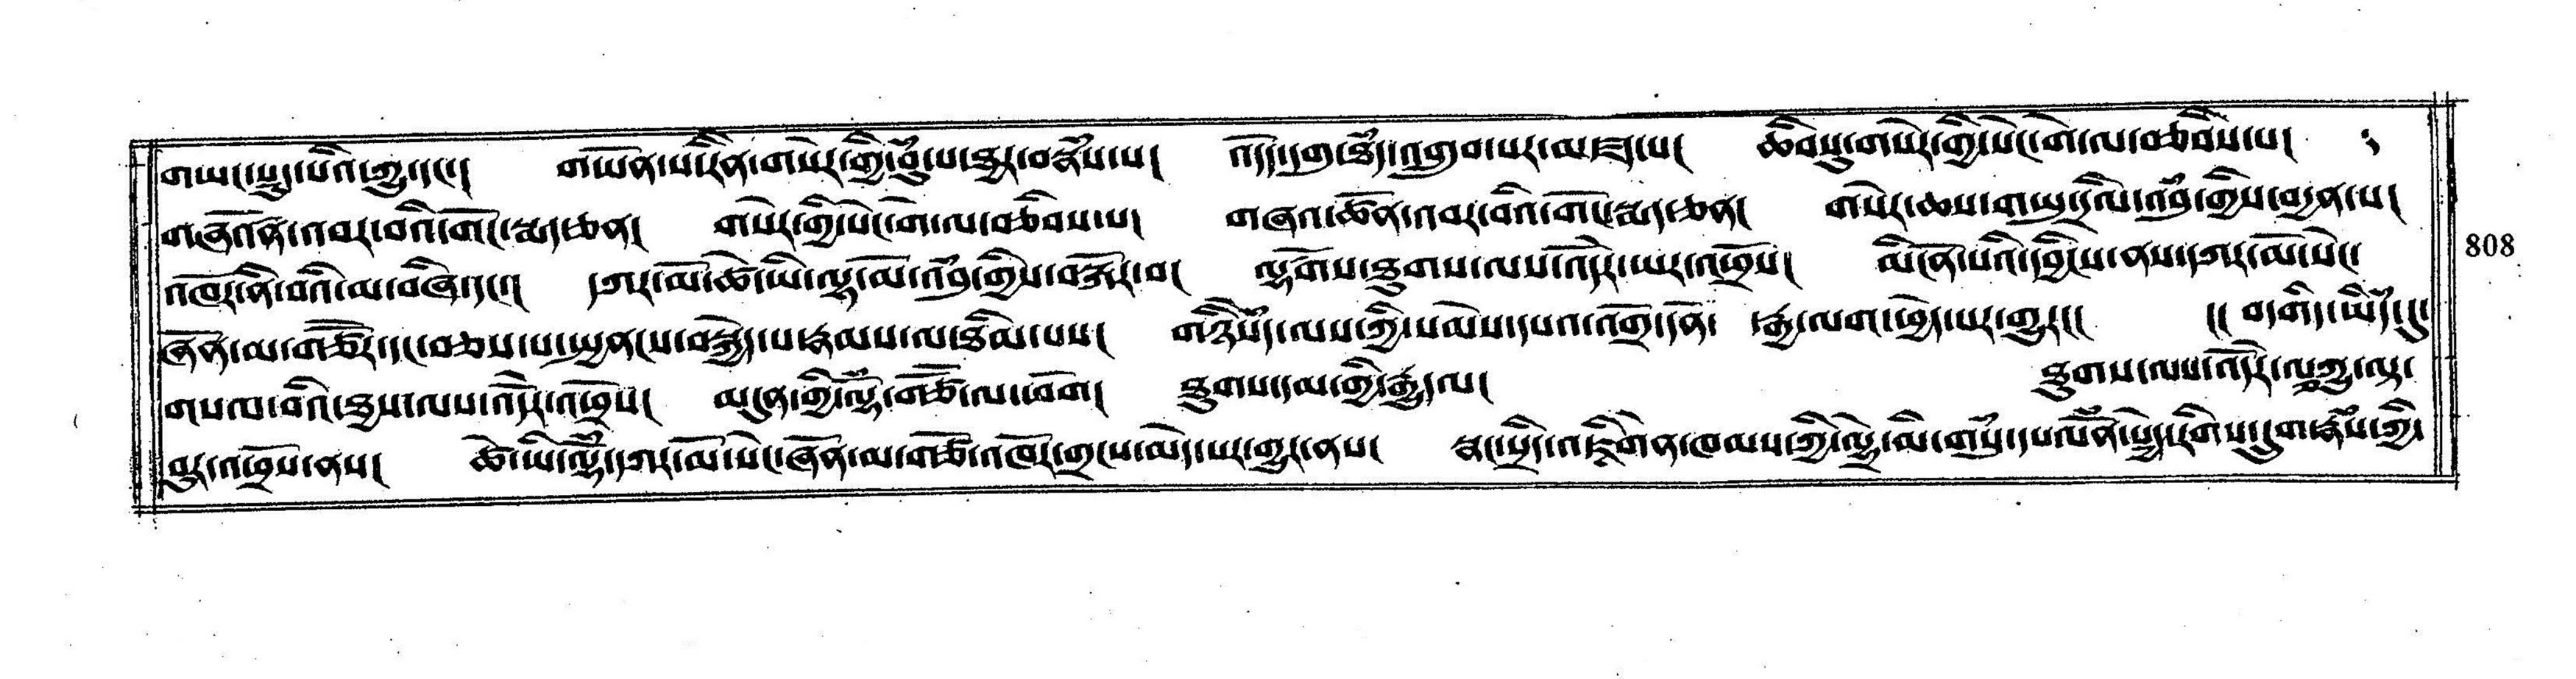གཡང་སྡུད་པའི་ཀྱུ་དང་། གཡོན་པ་རིན་ཆེན་གསེར་གྱི་བུམ་པ་ཐུགས་ཀར་བསྣམས་པ། འདོད་དགུ་ཐམས་ཅད་འགྲུབ་པར་མཛད་པ། ཆིབས་སུ་གསེར་གྱི་སེང་གེ་ལ་བཅིབས་པ། 
གཞའ་ཚོན་འབར་བའི་གོང་སྨད་ཅན། གསེར་གྱི་སེང་གེ་ལ་བཅིབས་པ། གཞའ་ཚོན་འབར་བའི་གོང་སྨད་ཅན། གསེར་ཆས་གཡུ་དྲིལ་འབུམ་གྱིས་བརྒྱན་པ། 
འཁོར་ནི་བའི་མ་བཞི་དང་། དཀར་མོ་ཚེ་ཡི་ལྷ་མོ་འབུམ་གྱིས་བསྐོར་བ། ལྷ་ཚོགས་ཐུགས་ལས་འོད་ཟེར་ཡར་འཕྲོས། མི་མངོན་པའི་དབྱིངས་ནས་དཀར་མོ་སེང་
ཞོན་མ་གཙོ་འཁོར་དང་བཅས་པ་སྤྱན་དྲངས་བསྐྱེད་པ་རྣམས་ལ་ཐིམ་པས། གཉིས་མེད་ལས་ཀྱི་སེམས་དཔའ་འགྲོ་དོན་རྒྱ་ལག་ཕྱེད་པར་གྱུར།། །།བདག་ཉིད་ཡི་དམ་དུ་
གསལ་བའི་ཐུགས་ལས་འོད་ཟེར་འཕྲོས། མདུན་གྱི་ལྷ་མོ་གཙོ་འཁོར་ལ་ཕོག ཐུགས་དམ་གྱི་རྒྱུད་བསྐུལ། ཐུགས་ལས་འོད་ཟེར་ལྕག་ཀྱུ་ལྟ་
བུར་འཕྲོས་ནས། ཚེ་ཡི་ལྷ་མོ་དཀར་མོ་སེང་ཞོན་མ་གཙོ་འཁོར་གྲངས་མེད་པར་གྱུར་ནས། སྣང་སྲིད་འཇིག་རྟེན་ཁམས་ཀྱི་ལྷ་འདྲེ་མི་གསུམ་དཔལ་མགོན་སྡེ་བརྒྱད་རིགས་དྲུག་རྣམས་ཀྱི་